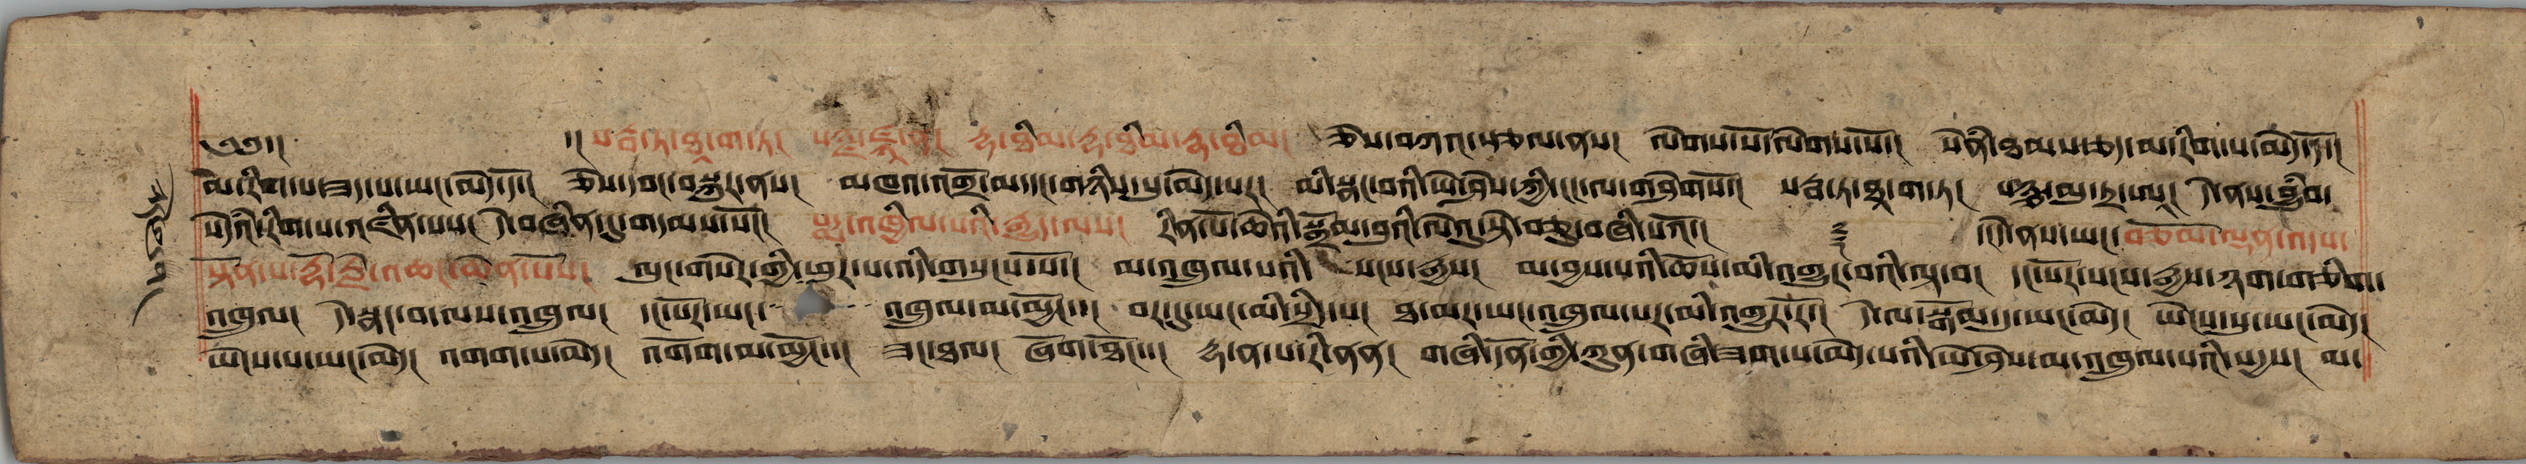༄༅་། ་།སརྦ་ཏ་ཐཱ་ག་ཏ། སཉྫ་ཛཱ་ཏྲི། དྷ་ཐིམ་དྷ་ཐིམ་དྷ་ཐིམ། ཅེས་བཀའ་སྩལ་ནས། ལེགས་སོ་ལེགས་སོ་། སེཾན་ཐམས་ཅད་མ་རིག་པ་མེད་དོ་།
མ་རིག་པ་ཟད་པ་ཡང་མེད་དོ་། ཅེས་དབང་བསྐུར་ནས། མཁའ་འགྲོ་མ་དང་གཉིས་སུ་མེད་པར། མི་སྣང་བའི་ཡེ་ཤེས་ཀྱི་ངང་ལ་གཤེགསོ་། སརྦ་ཏ་ཐཱ་ག་ཏ། མཉྩ་མུ་ཏྲ་ཨཱ། དེ་ནས་བྱུཾབ་
སེདཾའི་རིག་པ་འཛིན་པས། དེ་བཞིན་དུ་གདམས་སོང། པདྨ་འཁྱིལ་པའི་རྒྱུད་ལས། རིན་པོ་ཆེའི་སྒྲོམ་བུའི་ལེའུ་སྟེ་བཅུ་བཞི་པའོ་། ༈ ་།དེ་ནས་ཡང་བཅོམ་ལྡན་འདས་
སྟོན་པ་རྡོ་རྗེ་འཆང་ཆེན་པོས་། ལུང་གསེར་གྱི་ཕུར་པ་འདི་གསུངས་སོ་། མ་འཁྲུལ་པའི་ སངས་རྒྱས། མ་བྱས་པའི་ཆོས་མི་འགྱུར་བའི་ལྟ་བ། དང་པོར་སངས་རྒྱས་ཉག་གཅིག་
འཁྲུལ། དེ་སྣང་བ་ལས་འཁྲུལ། དང་པོར་ཡང་ འཁྲུལ་མ་མྱོང་་། བར་དུ་ཡང་མི་སྲིད་པ། ཐ་མར་ཡང་འཁྲུལ་པར་མི་འགྱུར་རོ་། དེ་ལ་སྒོམ་དུ་ཡང་མེད། ཡོངས་སུ་ཡང་མེད།
ཡེངས་པ་ཡང་མེད། འགག་པ་མེད། འགོག་མ་མྱོང་་། ཟང་ཐལ། ཞོག་ཐོང་་། དྷ་ན་པ་རི་ནན། གཞི་དོན་གྱི་ཀུན་གཞི་ཟག་པ་མེད་པའི་ཡེ་ཤེས་མ་འཁྲུལ་པའི་སདྱས། མ་